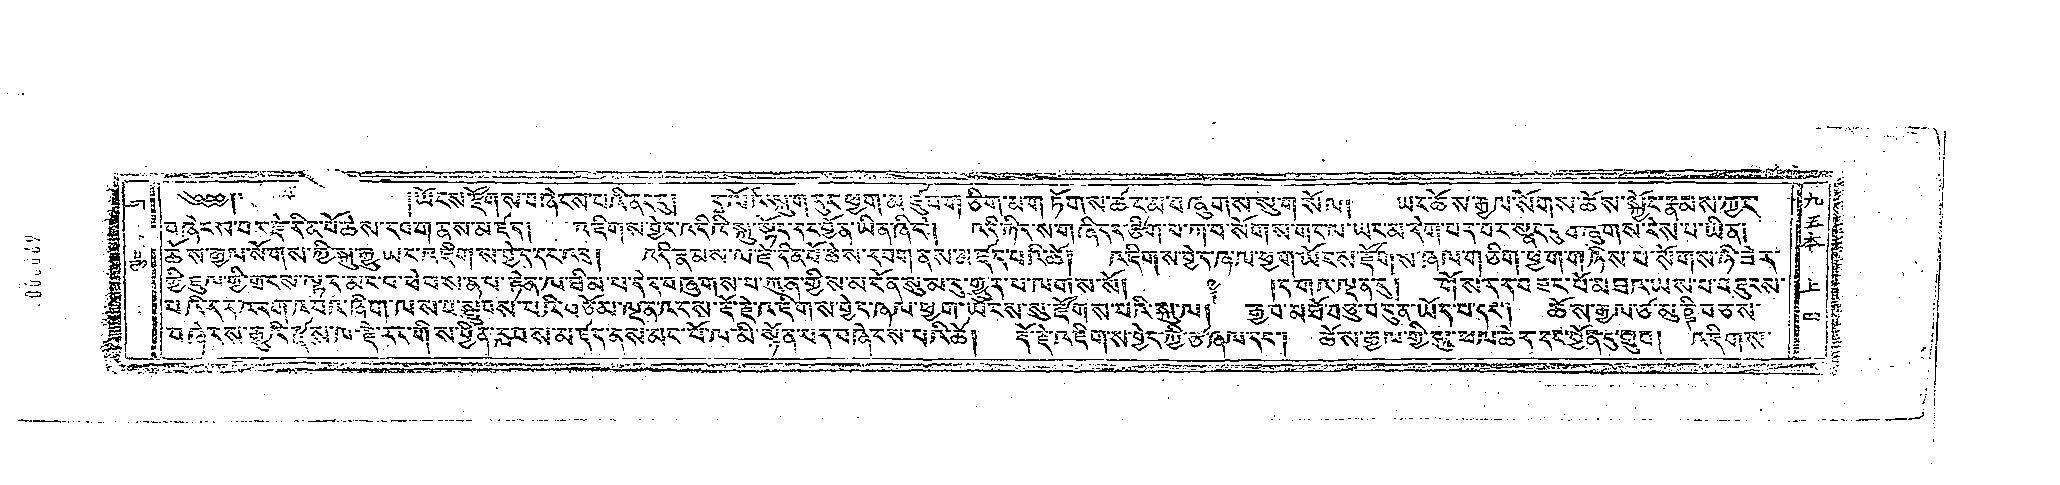༄༅། །ཡོངས་རྫོགས་བཞེངས་པའི་ནང་དུ། དྭ་ལོའི་སྐུ་གདུང་ཕྱག་མཛུབ་གཅིག་མ་གཏོགས་ཚད་མ་བཞུགས་སུ་གསོལ། ཡང་ཆོས་རྒྱལ་སོགས་ཆོས་སྐྱོང་རྣམས་ཀྱང་
བཞེངས་པས་རྗེ་རིན་པོ་ཆེས་རབ་གནས་མཛད། འཇིགས་བྱེད་འདིའི་སྐུ་སྟོང་རང་བྱོན་ཡིན་ཞིང་། འདི་ཉིད་ས་གཞི་དང་རྩིག་པ་ཀ་བ་སོགས་གང་ལ་ཡང་མ་རེག་པར་བར་སྣང་དུ་བཞུགས་ངེས་པ་ཡིན།
ཆོས་རྒྱལ་སོགས་ཀྱི་སྐུ་རྒྱུ་ཡང་འཇིགས་བྱེད་དང་འདྲ། འདི་རྣམས་ལ་རྗེ་རིན་པོ་ཆེས་རབ་གནས་མཛད་པའི་ཚེ། འཇིགས་བྱེད་ཞལ་ཕྱག་ཡོངས་རྫོགས་ཞལ་གཅིག་ཕྱག་གཉིས་པ་སོགས་ཉི་ཟེར་
གྱི་རྡུལ་གྱི་གངས་ལྟར་མང་བ་ཕེབས་ནས་རྟེན་ལ་ཐིམ་པ་དེར་བཞུགས་པ་ཀུན་གྱིས་མངོན་སུམ་དུ་གྱུར་པ་ལགས་སོ།། ༈ །དགའ་ལྡན་དུ། གོས་དར་བཟང་པོ་མཐའ་ལས་བ་བརྡུངས་
པའི་དར་འདག་འབའ་ཞིག་ལས་བསྒྲུབས་པའི་བཅོམ་ལྡན་འདས་རྡོ་རྗེ་འཇིགས་བྱེད་ཞལ་ཕྱག་ཡོངས་སུ་རྫོགས་པའི་སྐུ་ལ། རྒྱབ་མཐོ་བཅུ་བདུན་ཡོད་པ་དང་། ཆོས་རྒྱལ་ཙ་མུཎྚི་བཅས་
བཞེངས་རྒྱུའི་རྗེས་ལ་རྗེ་རང་གིས་བྱིན་རླབས་མཛད་ནས་མང་པོ་ལ་མི་སྟོན་བར་བཞེངས་པའི་ཚེ། རྡོ་རྗེ་འཇིགས་བྱེད་ཀྱི་རྩ་ཞལ་དང་། ཆོས་རྒྱལ་གྱི་སྐུ་ཕལ་ཆེར་རང་བྱོན་དུ་གྲུབ། འཇིགས་